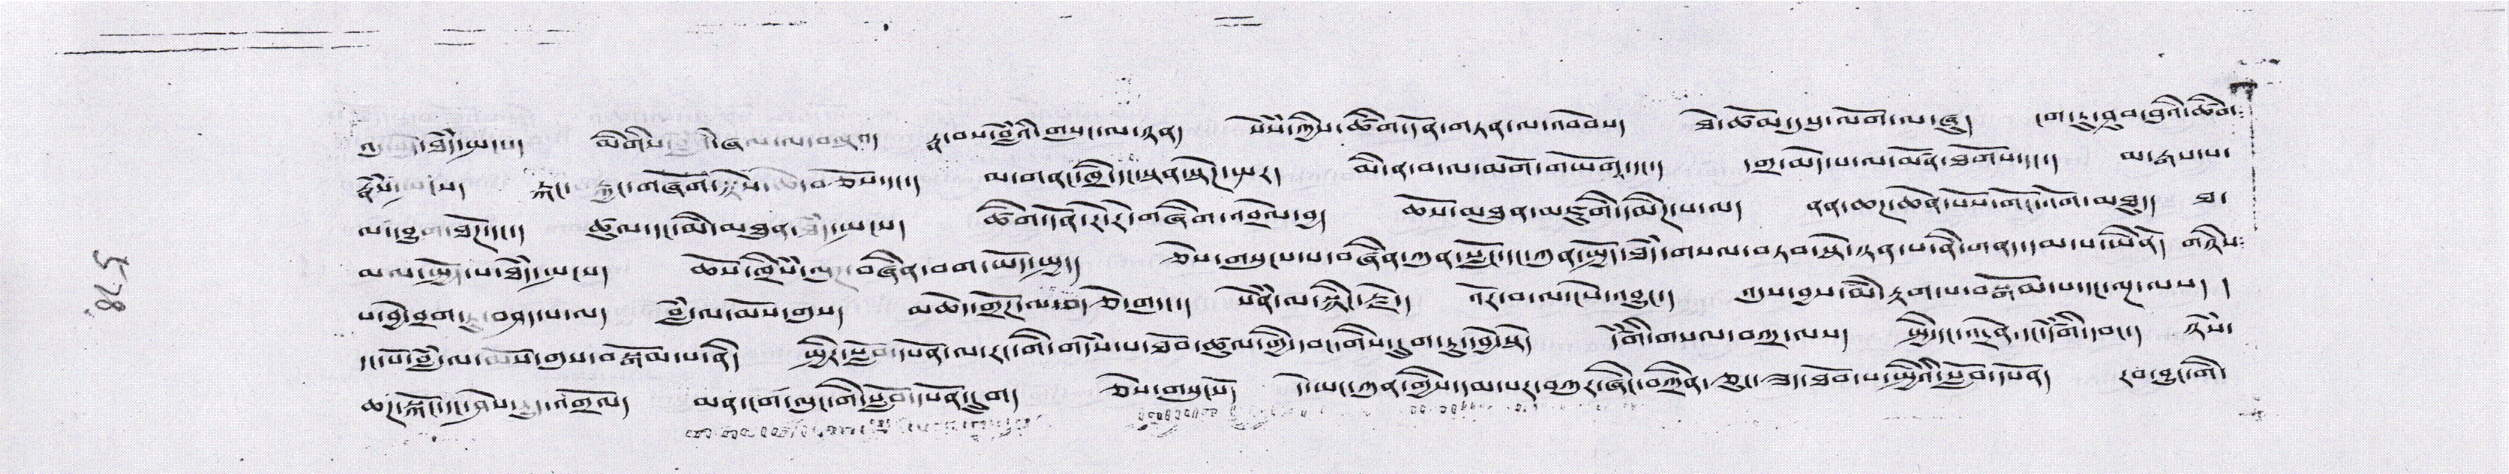འདུ་བྱེད་ཐམས་ཅད་སྤངས། །མིག་གིས་བླ་མའི་ཞལ་ལ་བལྟ། །རྣ་བས་བླ་མའི་གསུང་ལ་ཉན། །སེམས་ཀྱིས་ཚིག་དོན་གཏན་ལ་འབེབས། ཐེ་ཚོམ་དུས་སུ་ལོག་ལ་ཞུ། །ངག་ཏུ་ཤུབ་བུའི་ཚིག་
རྣམས་སྤངས། །རྐང་བརྐྱང་གཞོག་སྙེས་ཆེ་བཅོས་དང་། །མ་གནད་ཁྲི་དང་སྟན་སྟེགས་སྤར། །མི་ན་བ་ལ་མགོ་གཡོགས་དང་། །དགྲ་མེད་པ་ལ་མཚོན་ཐོགས་དང་། །མ་རྒས་པ་
ལ་དབྱུགས་ཐོགས་དང་། །ཚུལ་དང་མི་མཐུན་ཐམས་ཅད་སྤངས། །ཚིག་དོན་རེ་རེ་གཞིག་འབྲེལ་བྱ། །ཆོས་མཐུན་མཇུག་གི་དམིགས་པ་ལ། །ནན་ཆགས་ཆེན་པོས་གོང་འོག་མཐུ། །ཐ་
མལ་སྤྱོད་པ་ཐམས་ཅད་སྤངས། །ཆོས་ཁྲིམས་ལུགས་བཞིན་བག་ཡོད་སྤྱད། །ཅེས་གསུངས་པ་བཞིན་ཀུན་སློང་དང་ཀུན་སྤྱོད་ཐམས་ཅད་གསལ་བཏབ་སྟེ་ཉན་པ་ནི་གནད་དམ་པ་ཡིན་ནོ། །གཉིས་
པ་བྱེ་བྲག་ཏུ་བཤད་པ་ལ། བླ་མ་ལ་མོས་གུས། མཆེད་གྲོགས་ལ་བརྩེ་དུང་། སེམས་ཅན་ལ་སྙིང་རྗེ། འཁོར་བ་ལ་ངེས་འབྱུང་། འདུས་བྱས་མི་རྟག་པ་བསྒོམ་པ་དང་ལྔ་ལས། 
དང་པོ་བླ་མ་ལ་མོས་གུས་བསྒོམ་པ་ནི། སྤྱིར་སློབ་དཔོན་ལ་རང་གི་གདམ་པ་ཐོབ་ཚུལ་གྱི་དབང་གིས་དྲུག་ཏུ་དབྱེ་སྟེ། དམ་ཚིག་གསལ་བཀྲ་ལས། སྤྱི་དང་འདྲེན་དང་དམ་ཚིག་དབང་། །ཉམས་
ཆག་བསྐང་དང་ཤེས་རྒྱུད་བཀྲོལ། །མན་ངག་ལུང་གི་སློབ་དཔོན་དྲུག །ཅེས་གསུངས་སོ། །དེ་ཡང་ཀུན་གྱིས་དམ་པར་བཀུར་ཞིང་མགྲིན་ཅུང་ཟད་ཐོབ་པ་སྤྱི་ཡི་སློབ་དཔོན། རབ་བྱུང་གི་